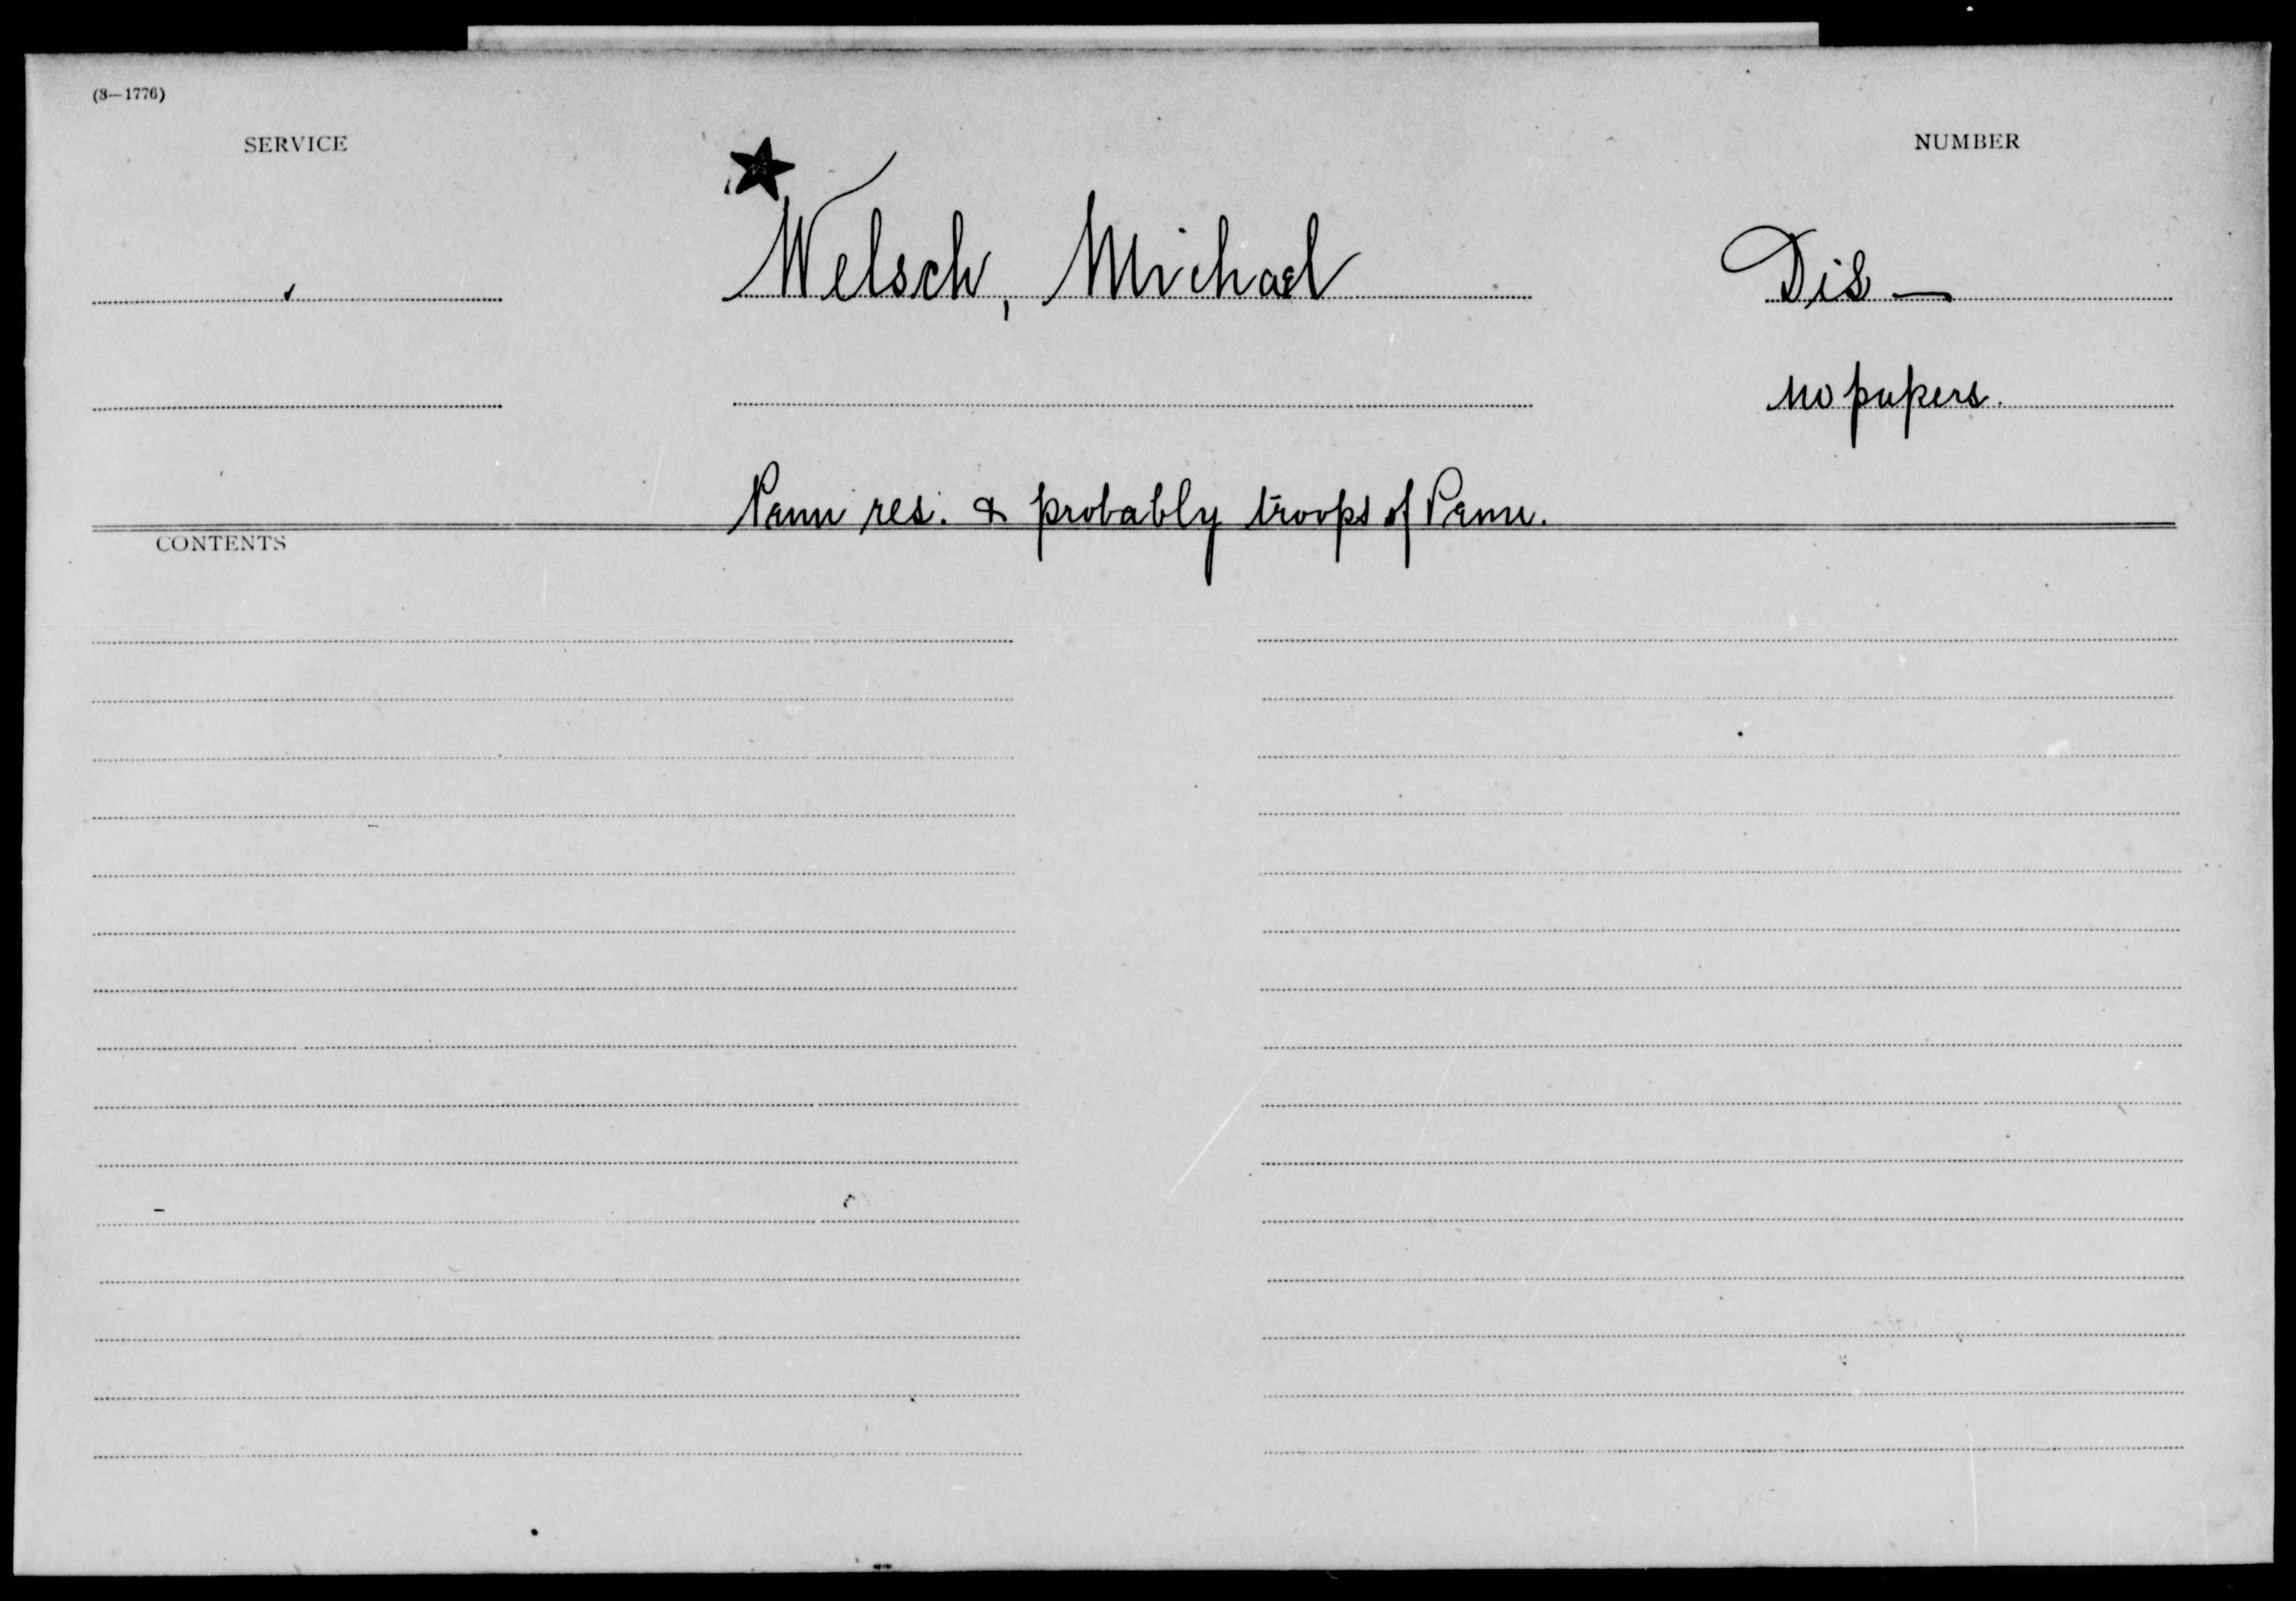Service |                                   | Number
             |  Welsch, Michael      |   Dis ----
             |                                  |    no papers
             |  Penn res. & Probably troops of Penn. |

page: 1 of 3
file: [BLANK], Michael Welsch, Penn Res. & Probably Troops Of Penn.